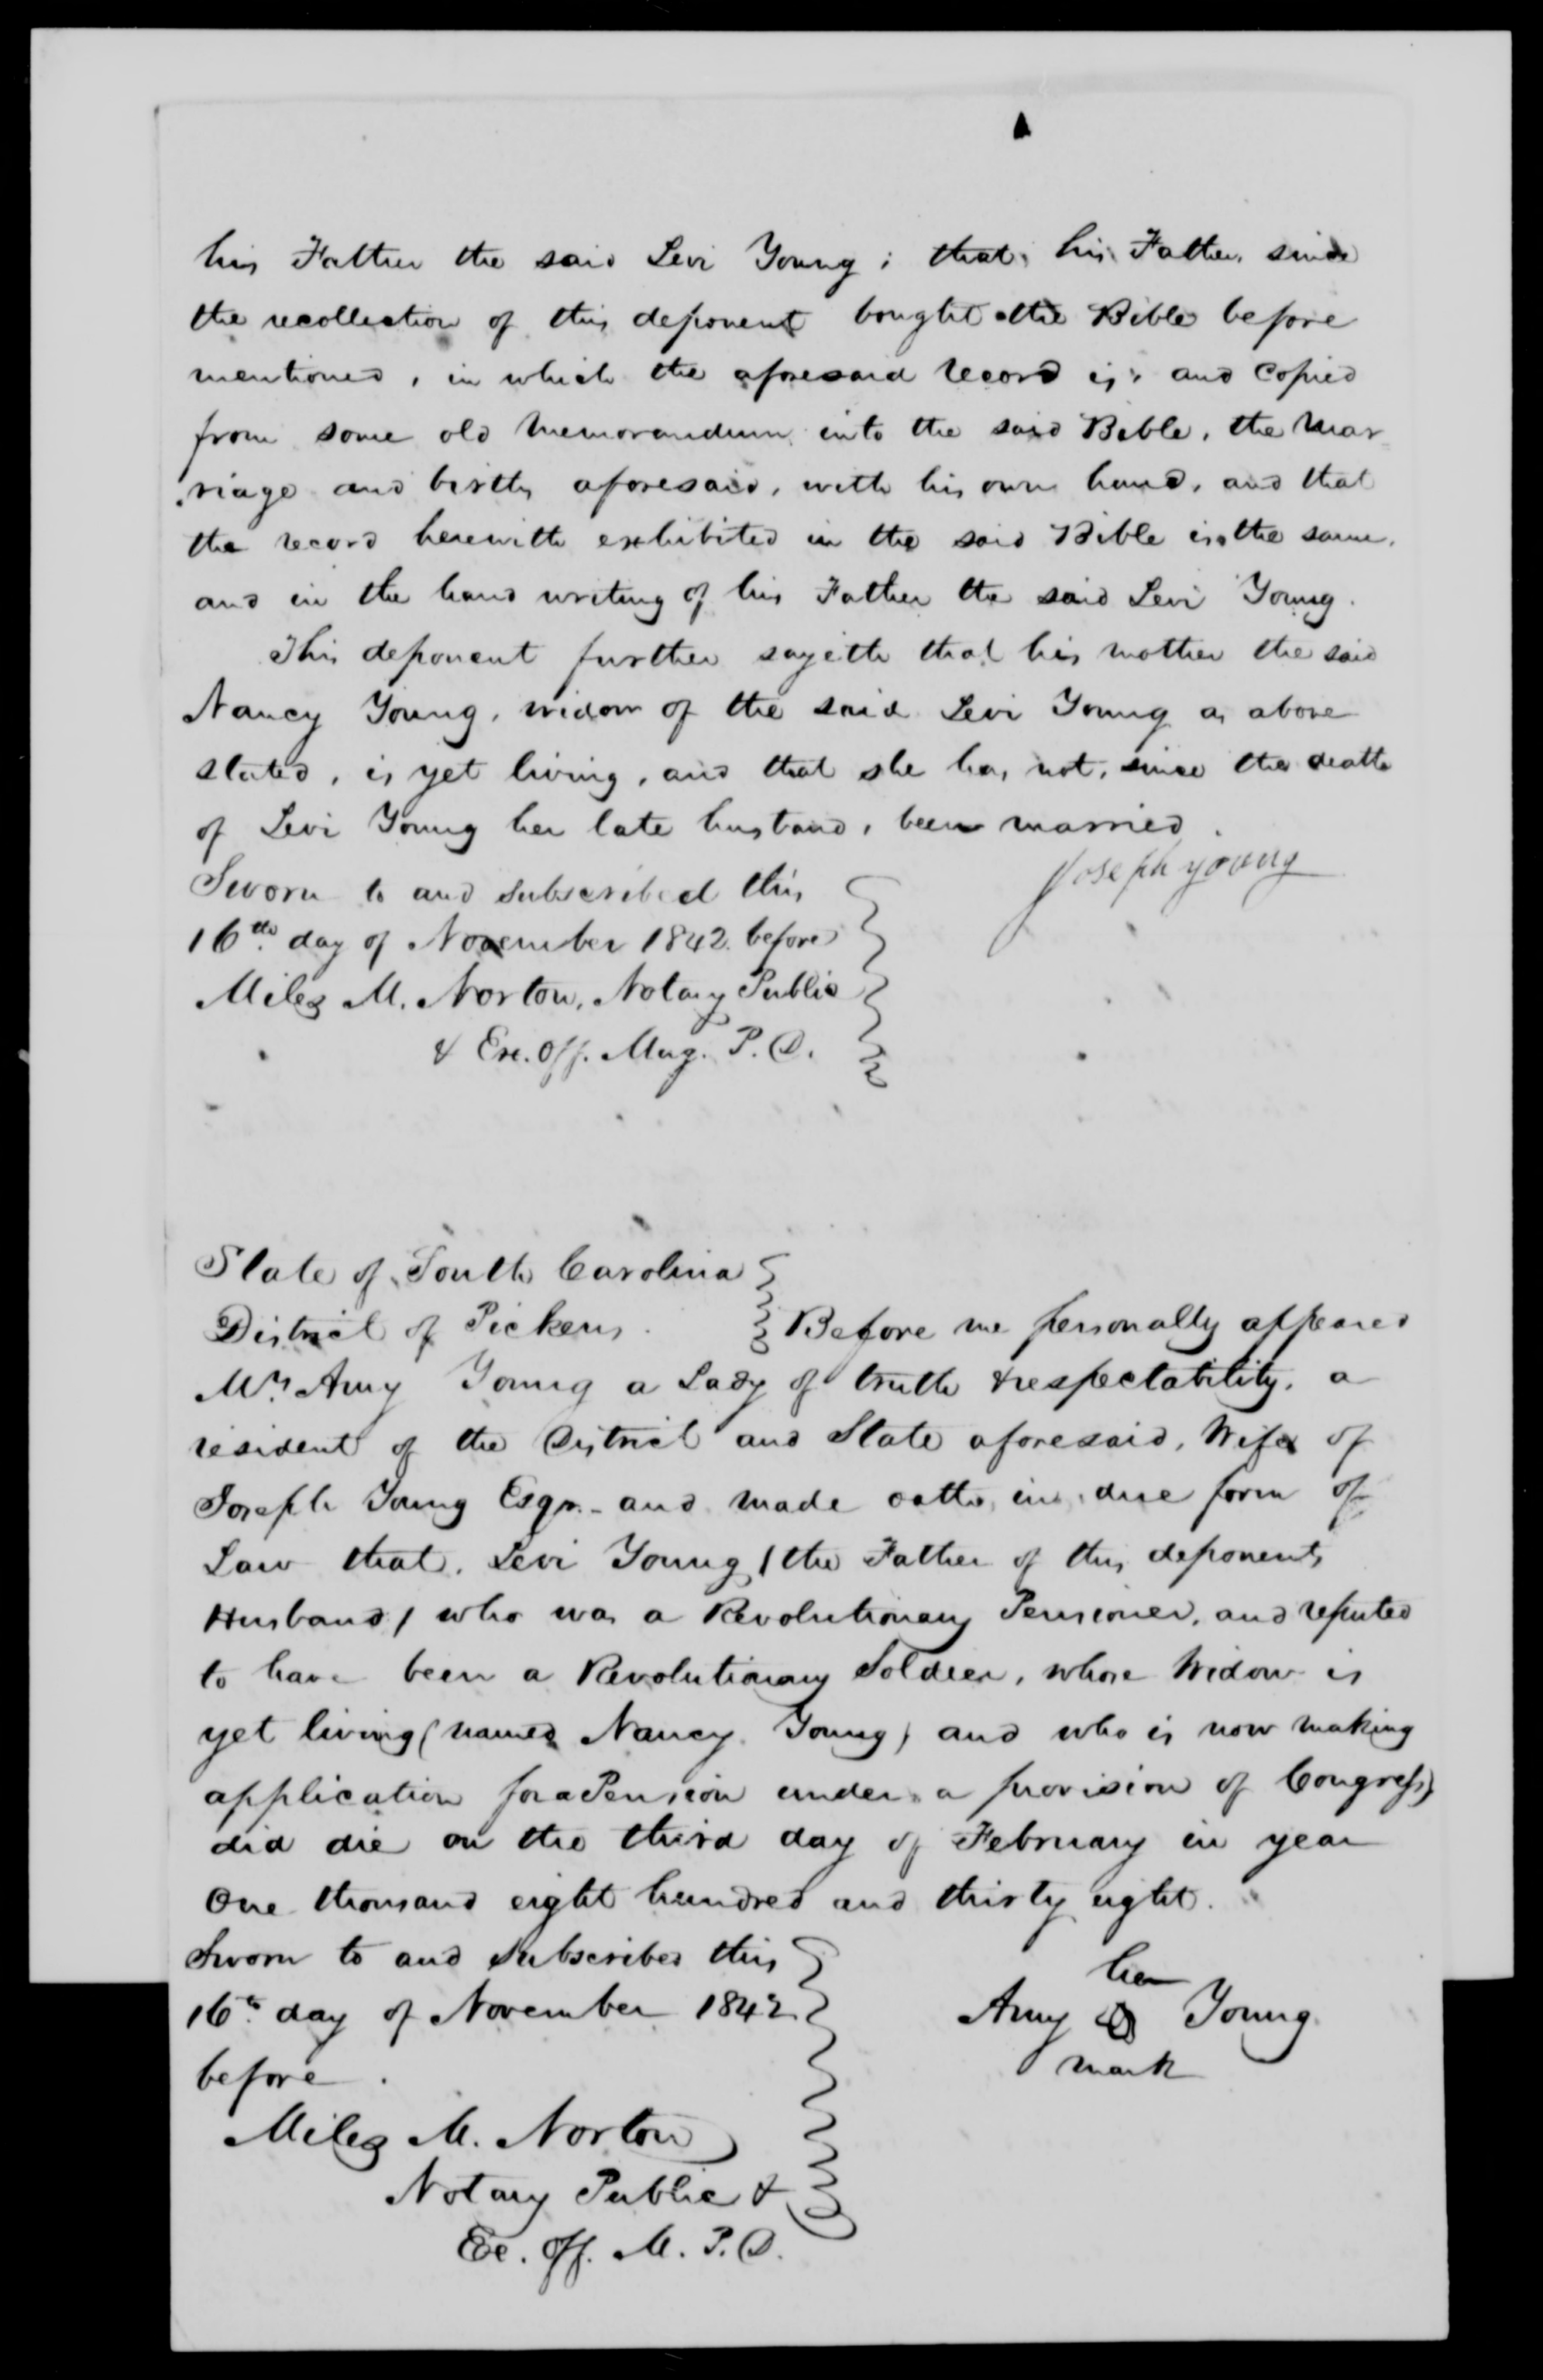his Father the said Levi Young ; that his Father said
the recollection of this deponent bought (?) Bible before
mentioned, in which the aforesaid record is and copied
from some old memorandum into the said Bible, the mar
riage and birth aforesaid, with his own hand, and that
the record herewith exhibited in the said Bible in the same
and in the hand writing of his Father the said Levi Young.
This deponent further sayeth that his mother the said
Nancy Young, widow of the said Levi Young as above
stated, is yet living, and that she has not, since the death
of Levi Young her late husband, been married.
Sworn to and subscribed this {   Joseph Young (his signature)
16th day of November 1842 before {
Miles M. Norton, Notary Public {
+ Ex.Off.Mag. P.D. [Ex-officio Magistrate Pickens District]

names: Nancy Young, Amy Young, Miles M Norton, Levi Young, Joseph Young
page: 22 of 56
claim: widow's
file: W. 9040, Levi Young, Ga. New Jersey S.C.